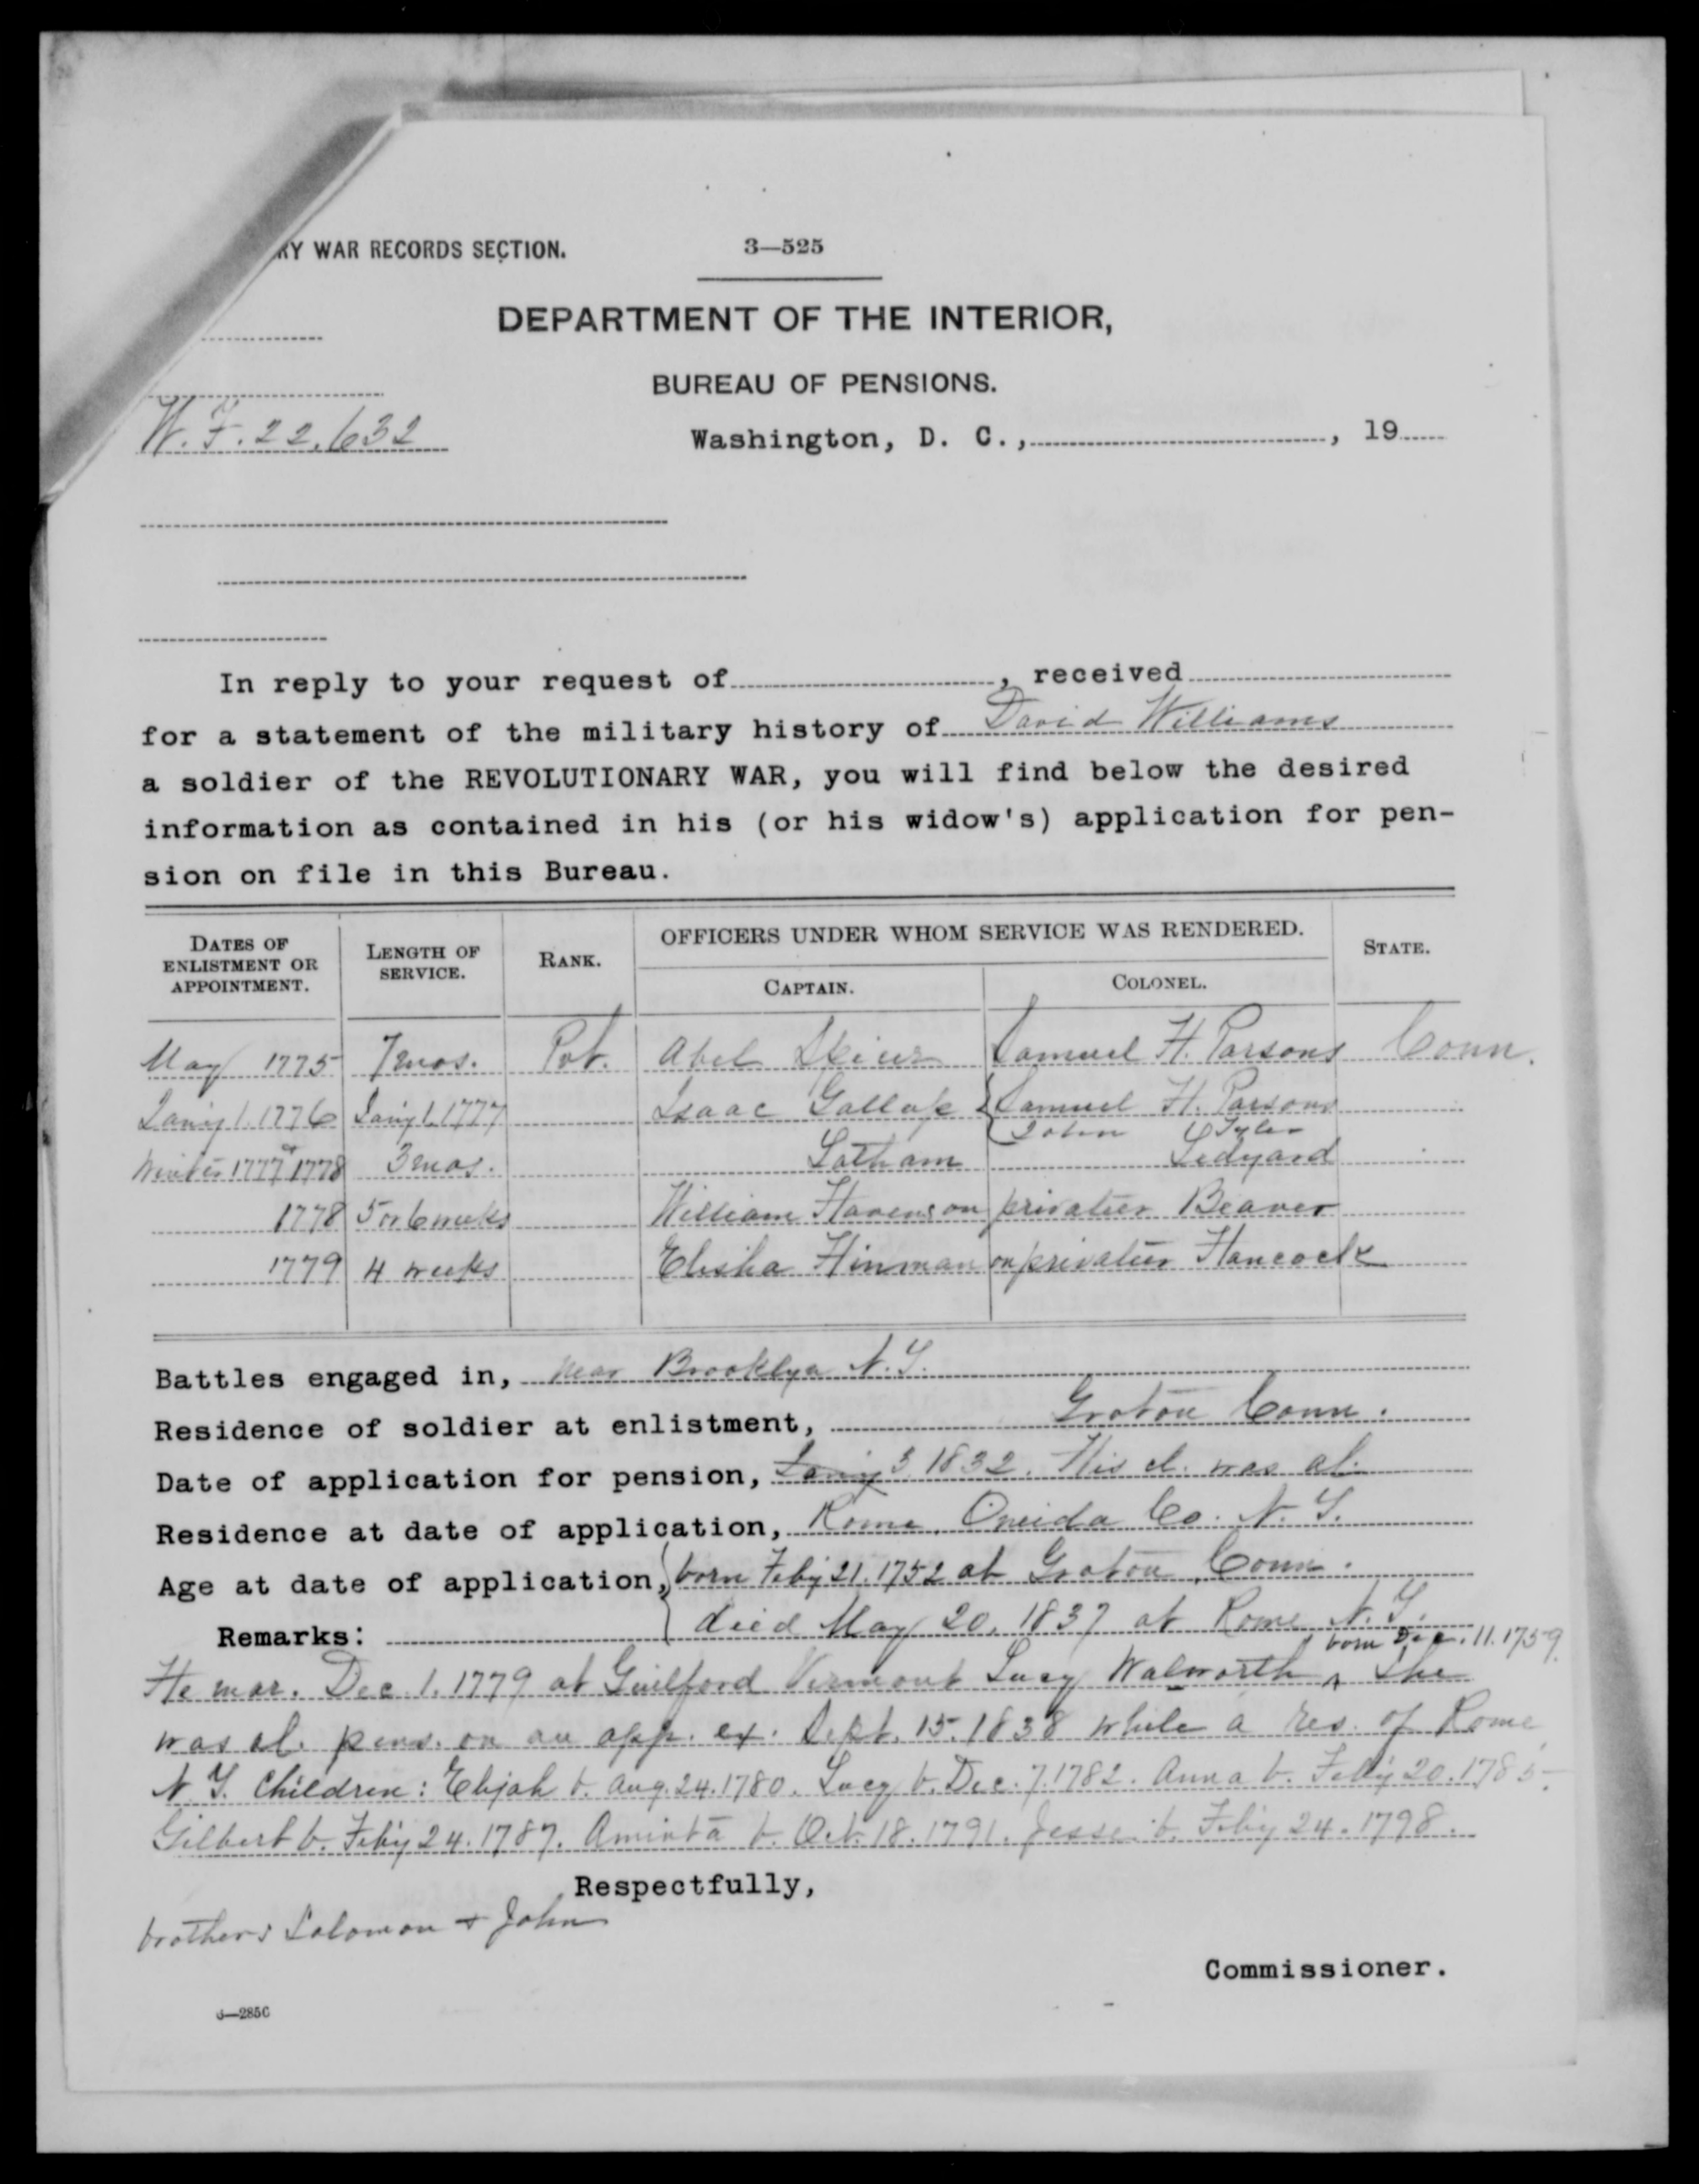war records section.  3-525
DEPARTMENT OF THE INTERIOR,
BUREAU OF PENSIONS.
Washington, D. C.  __ 19__
W F 22,632

In replay to your request of __ received __ for a statement of the military history of David Williams a soldier of the REVOLUTIONARY WAR, you will find below the desired information as contained in his (or his widow's) application for pension on file in this Bureau.
Dates of Enlistment or Appointment | Length of Service | Rank | Officers under whom service was rendered | Captain | Colonel | State
May 1775 | 7 mos | Pvt | Abel Spicer | Samuel H. Parsons | Conn
Jany 1776 | Jany 1 1777 | | Isaac Gallup | Samuel H. Parsons John Tyler
Winter 1777 & 1778 | 3 mos | | Latham | Ledyard
1778 | 5 or 6 weeks | | William Havenson | privateer Beaver
1779 | 4 weeks | | Elisha Hinman | on privateer Hancock

Battles engaged in, Near Brooklyn N. Y.
Residence of soldier at enlistment, Groton Conn.
Date of application for pension Jany 3, 1832. His cl was al
Residence at date of application, Rome, Oneida Co N. Y.
Age at date of application {born Feby 21, 1752 at Groton Conn died May 20, 1837 at Rome N. Y. }
Remarks:
He mar. Dec 1, 1779 at Guilford Vermont Lucy Walworth born Dec 11, 1759. She was al. pens. on an app. ex. Sept 15, 1838 while a res of Rome N. Y. Children: Elijah b Aug 24, 1780, Lucy b Dec. 7, 1782, Anna b. Feb 20, 1785, 
Gilbert b. Feby 24, 1787, Aminta b. Oct 18, 1791, Jesse b. Feby 24, 1798.
brothers Solomon & John

Respectfully, 
Commissioner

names: William Havens, David Williams, Lucy Walworth, Elijah, Anna, Isaac Gallup, Solomon, Hancock, John, Beaver, Ledyard, Samuel H Parsons, Latham, Jesse, Abel Spicer, John Tyler, Elisha Hinman, Aminta, Gilbert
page: 63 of 63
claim: widow's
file: W. 22,632, David Williams, Conn. Continental Privateer